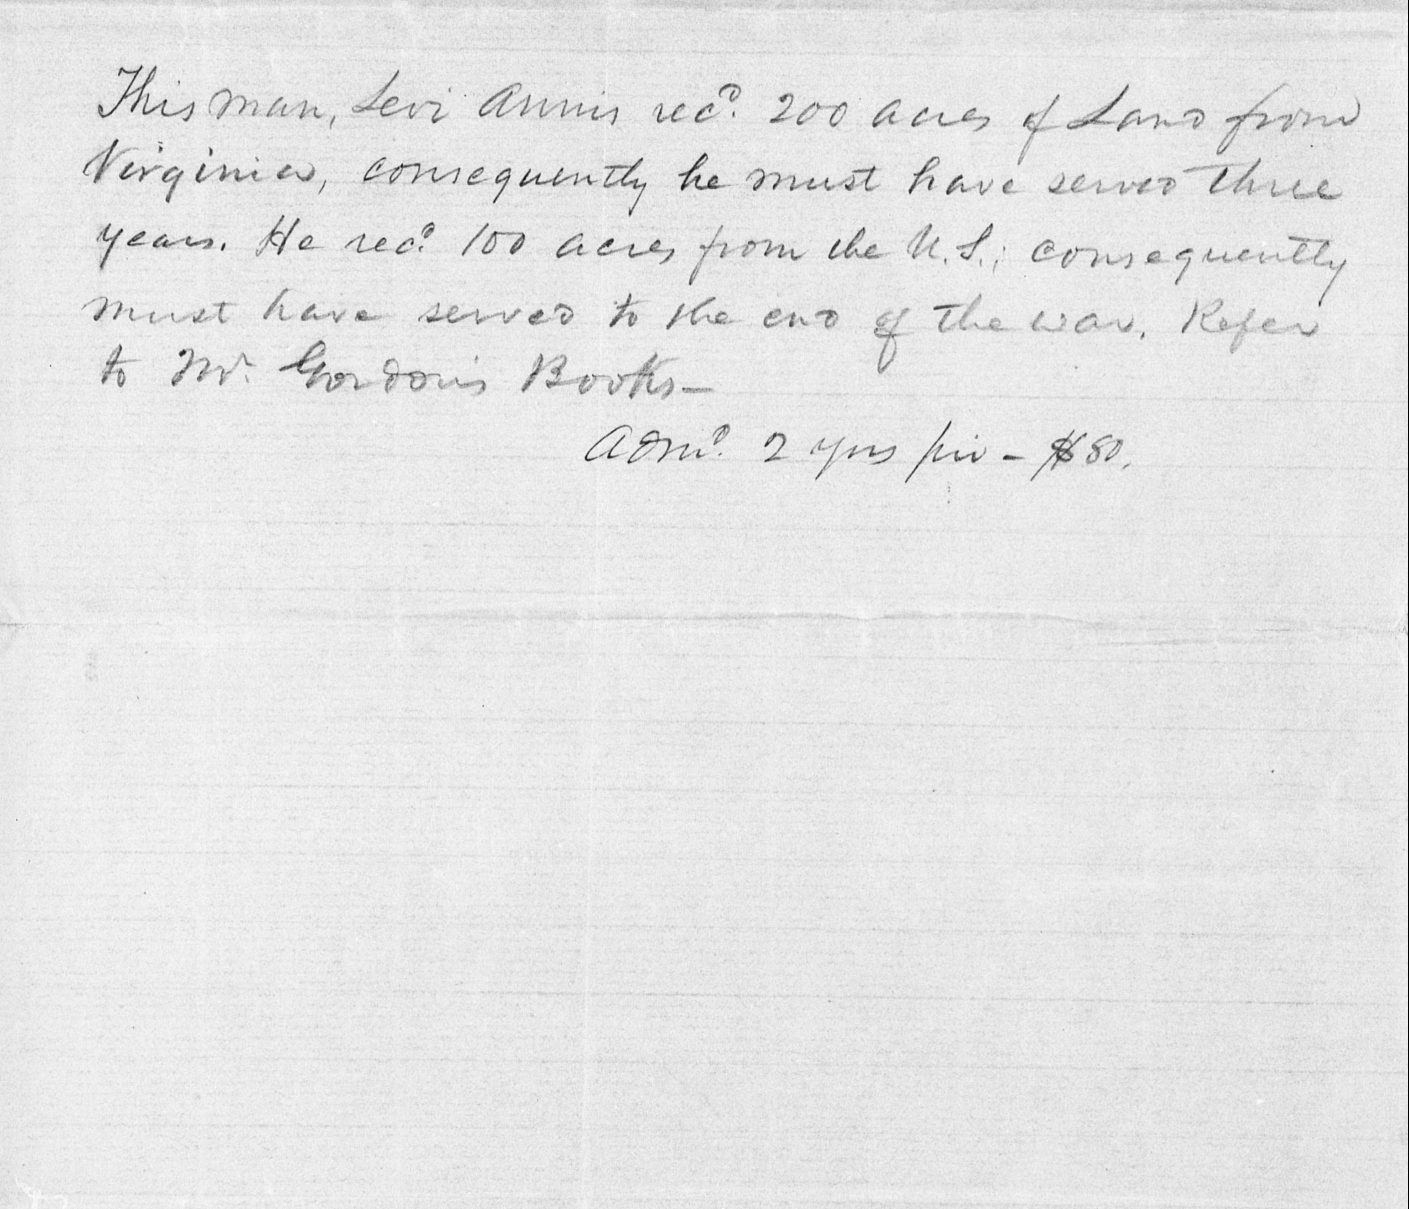This man, Levi Annis rec'd 200 acres of Land from Virginia, consequently he must have served three years.  He rec'd 100 acres from the U.S.;  consequently must have served to the end of the war.  Refer to Mr. Gordon's books - 
Adm'd. 2 yrs priv - $80.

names: Levi Annis, Gordon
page: 22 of 27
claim: widow's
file: W 5624, Levi Annis, Va. Va. Sea Service